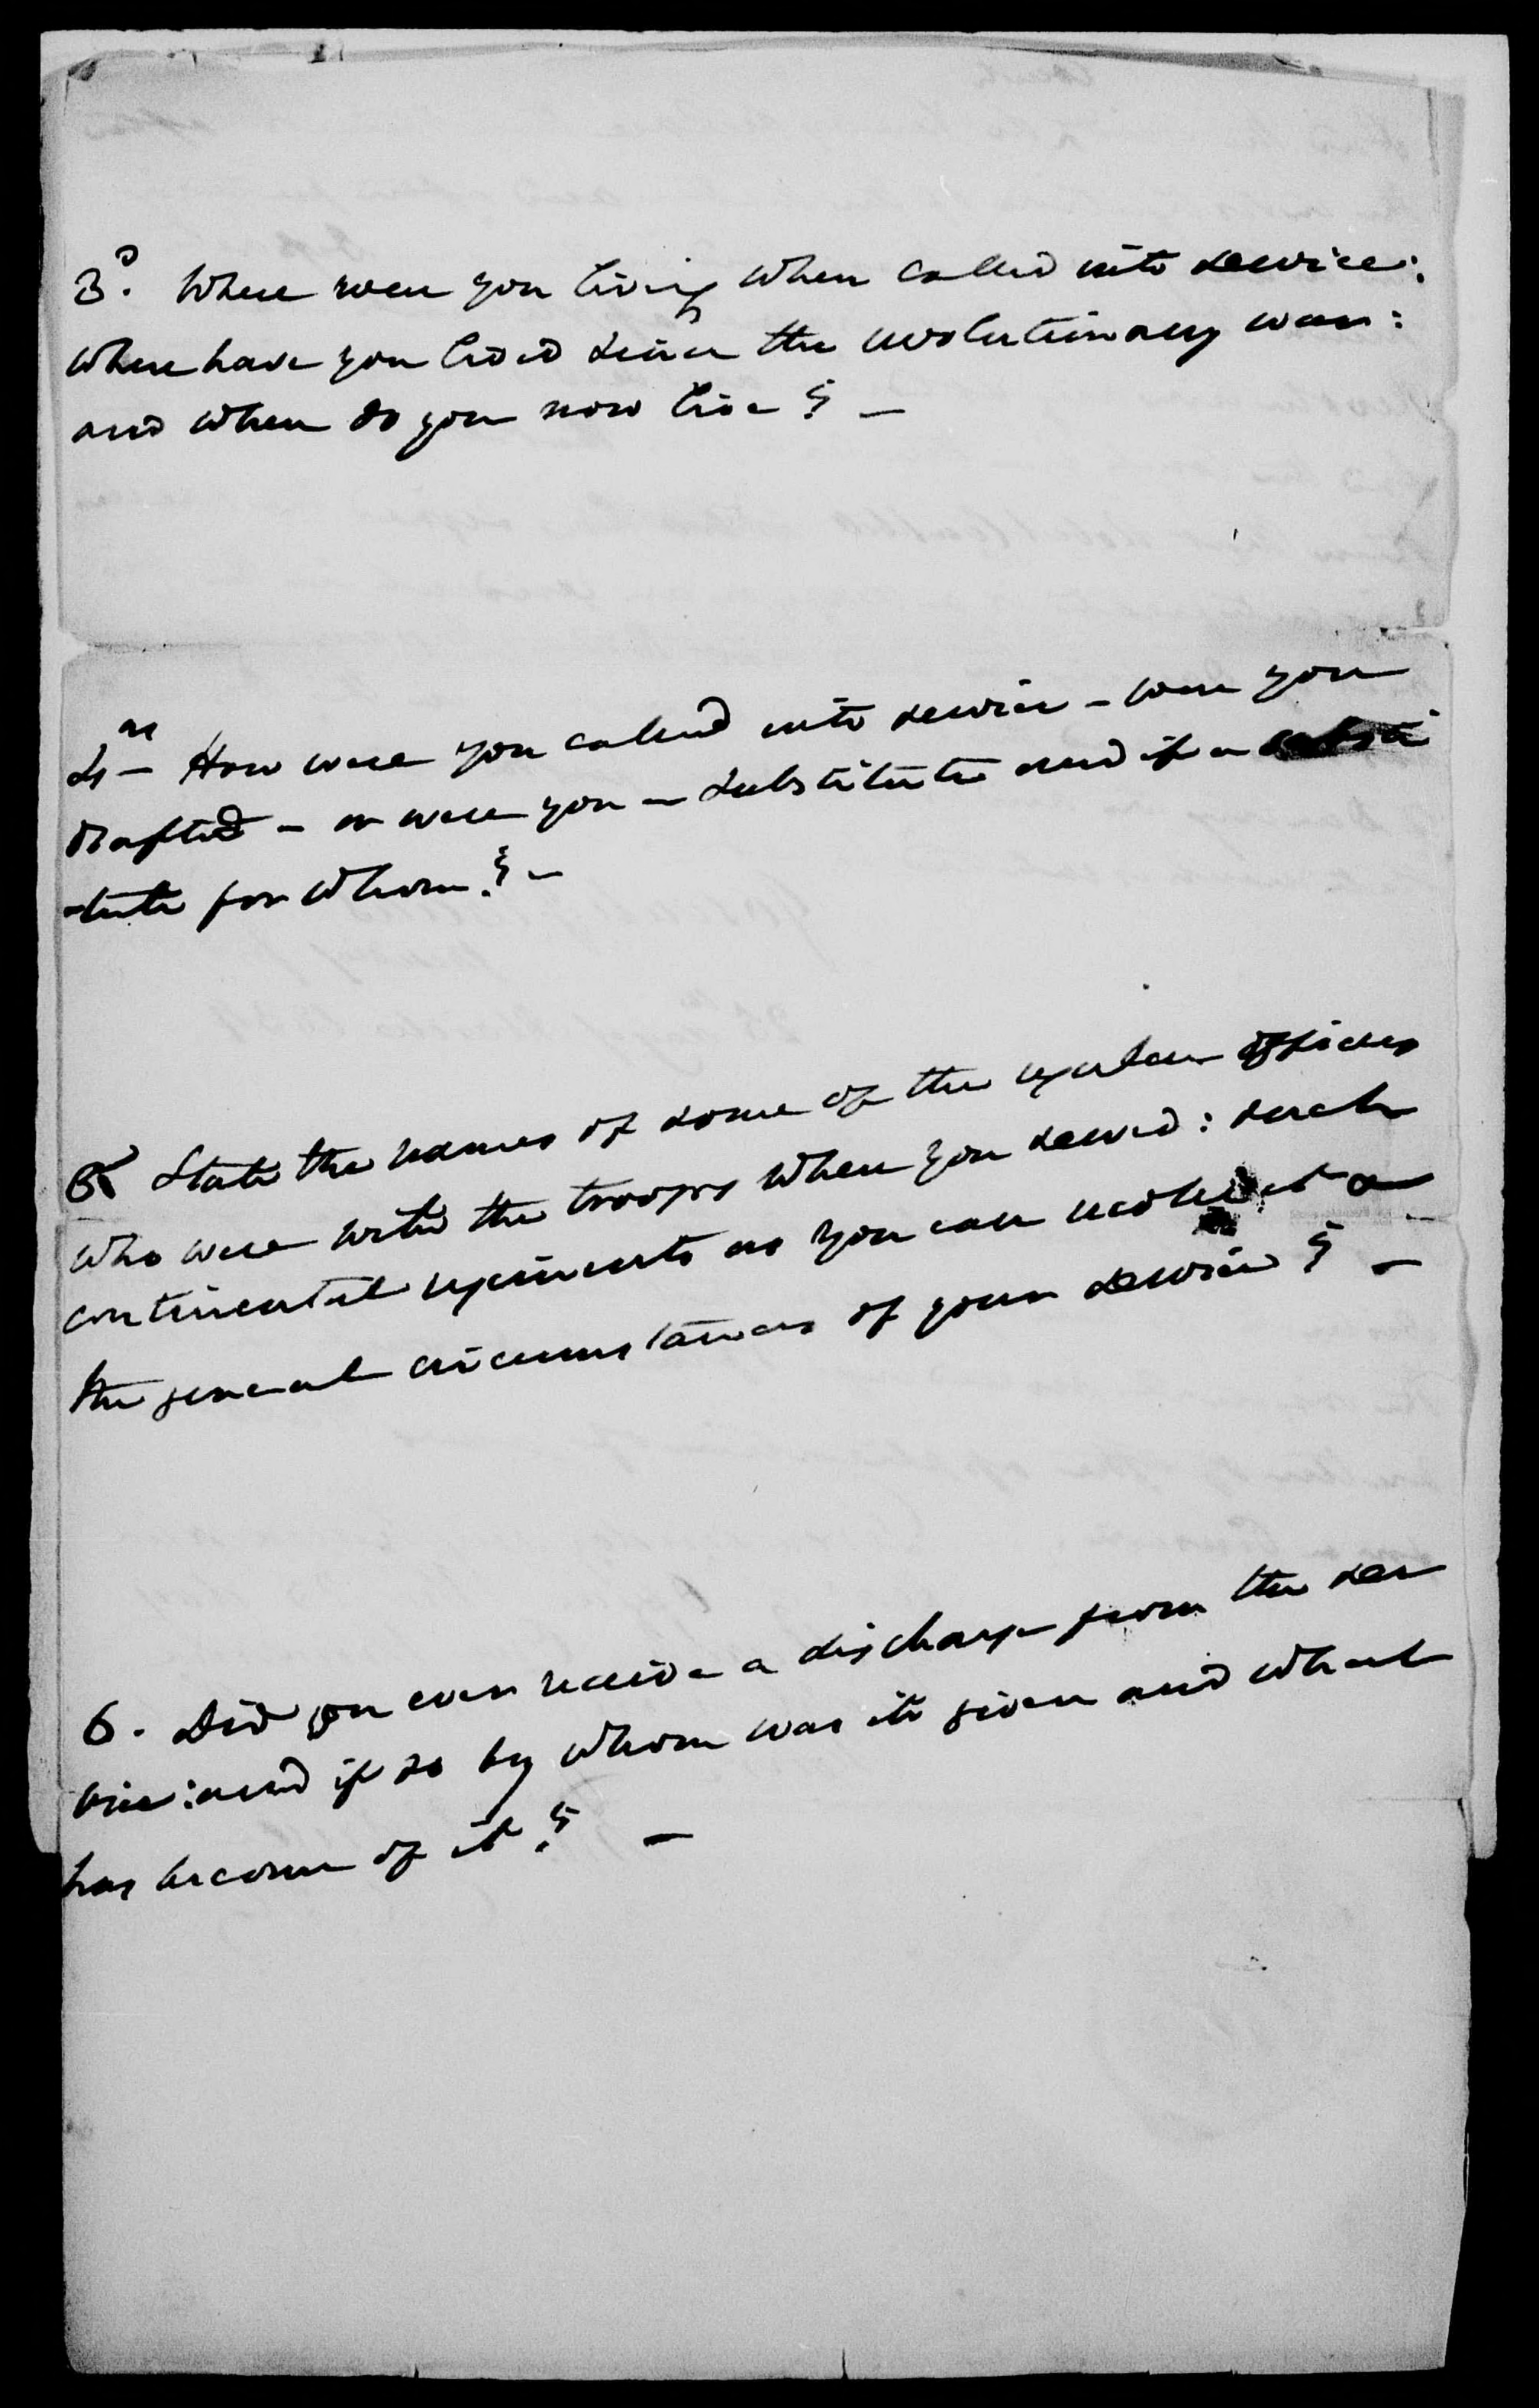3. Where were you living when called into service: Where have you lived since the revolutionary war: and where do you now live? 

4. How were you called into service - were you drafted - or were you - substituted and if so substitute for whom? 

5. State the names of some of the regular officers who were with the troops when you served: such Continental regiments as you can recollect + the general circumstances of your service? 

6. Did you ever receive a discharge from the war and if so by whom was it given and what has become of it?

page: 4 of 33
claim: rejected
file: R. 5334, James Hudson, N.C.